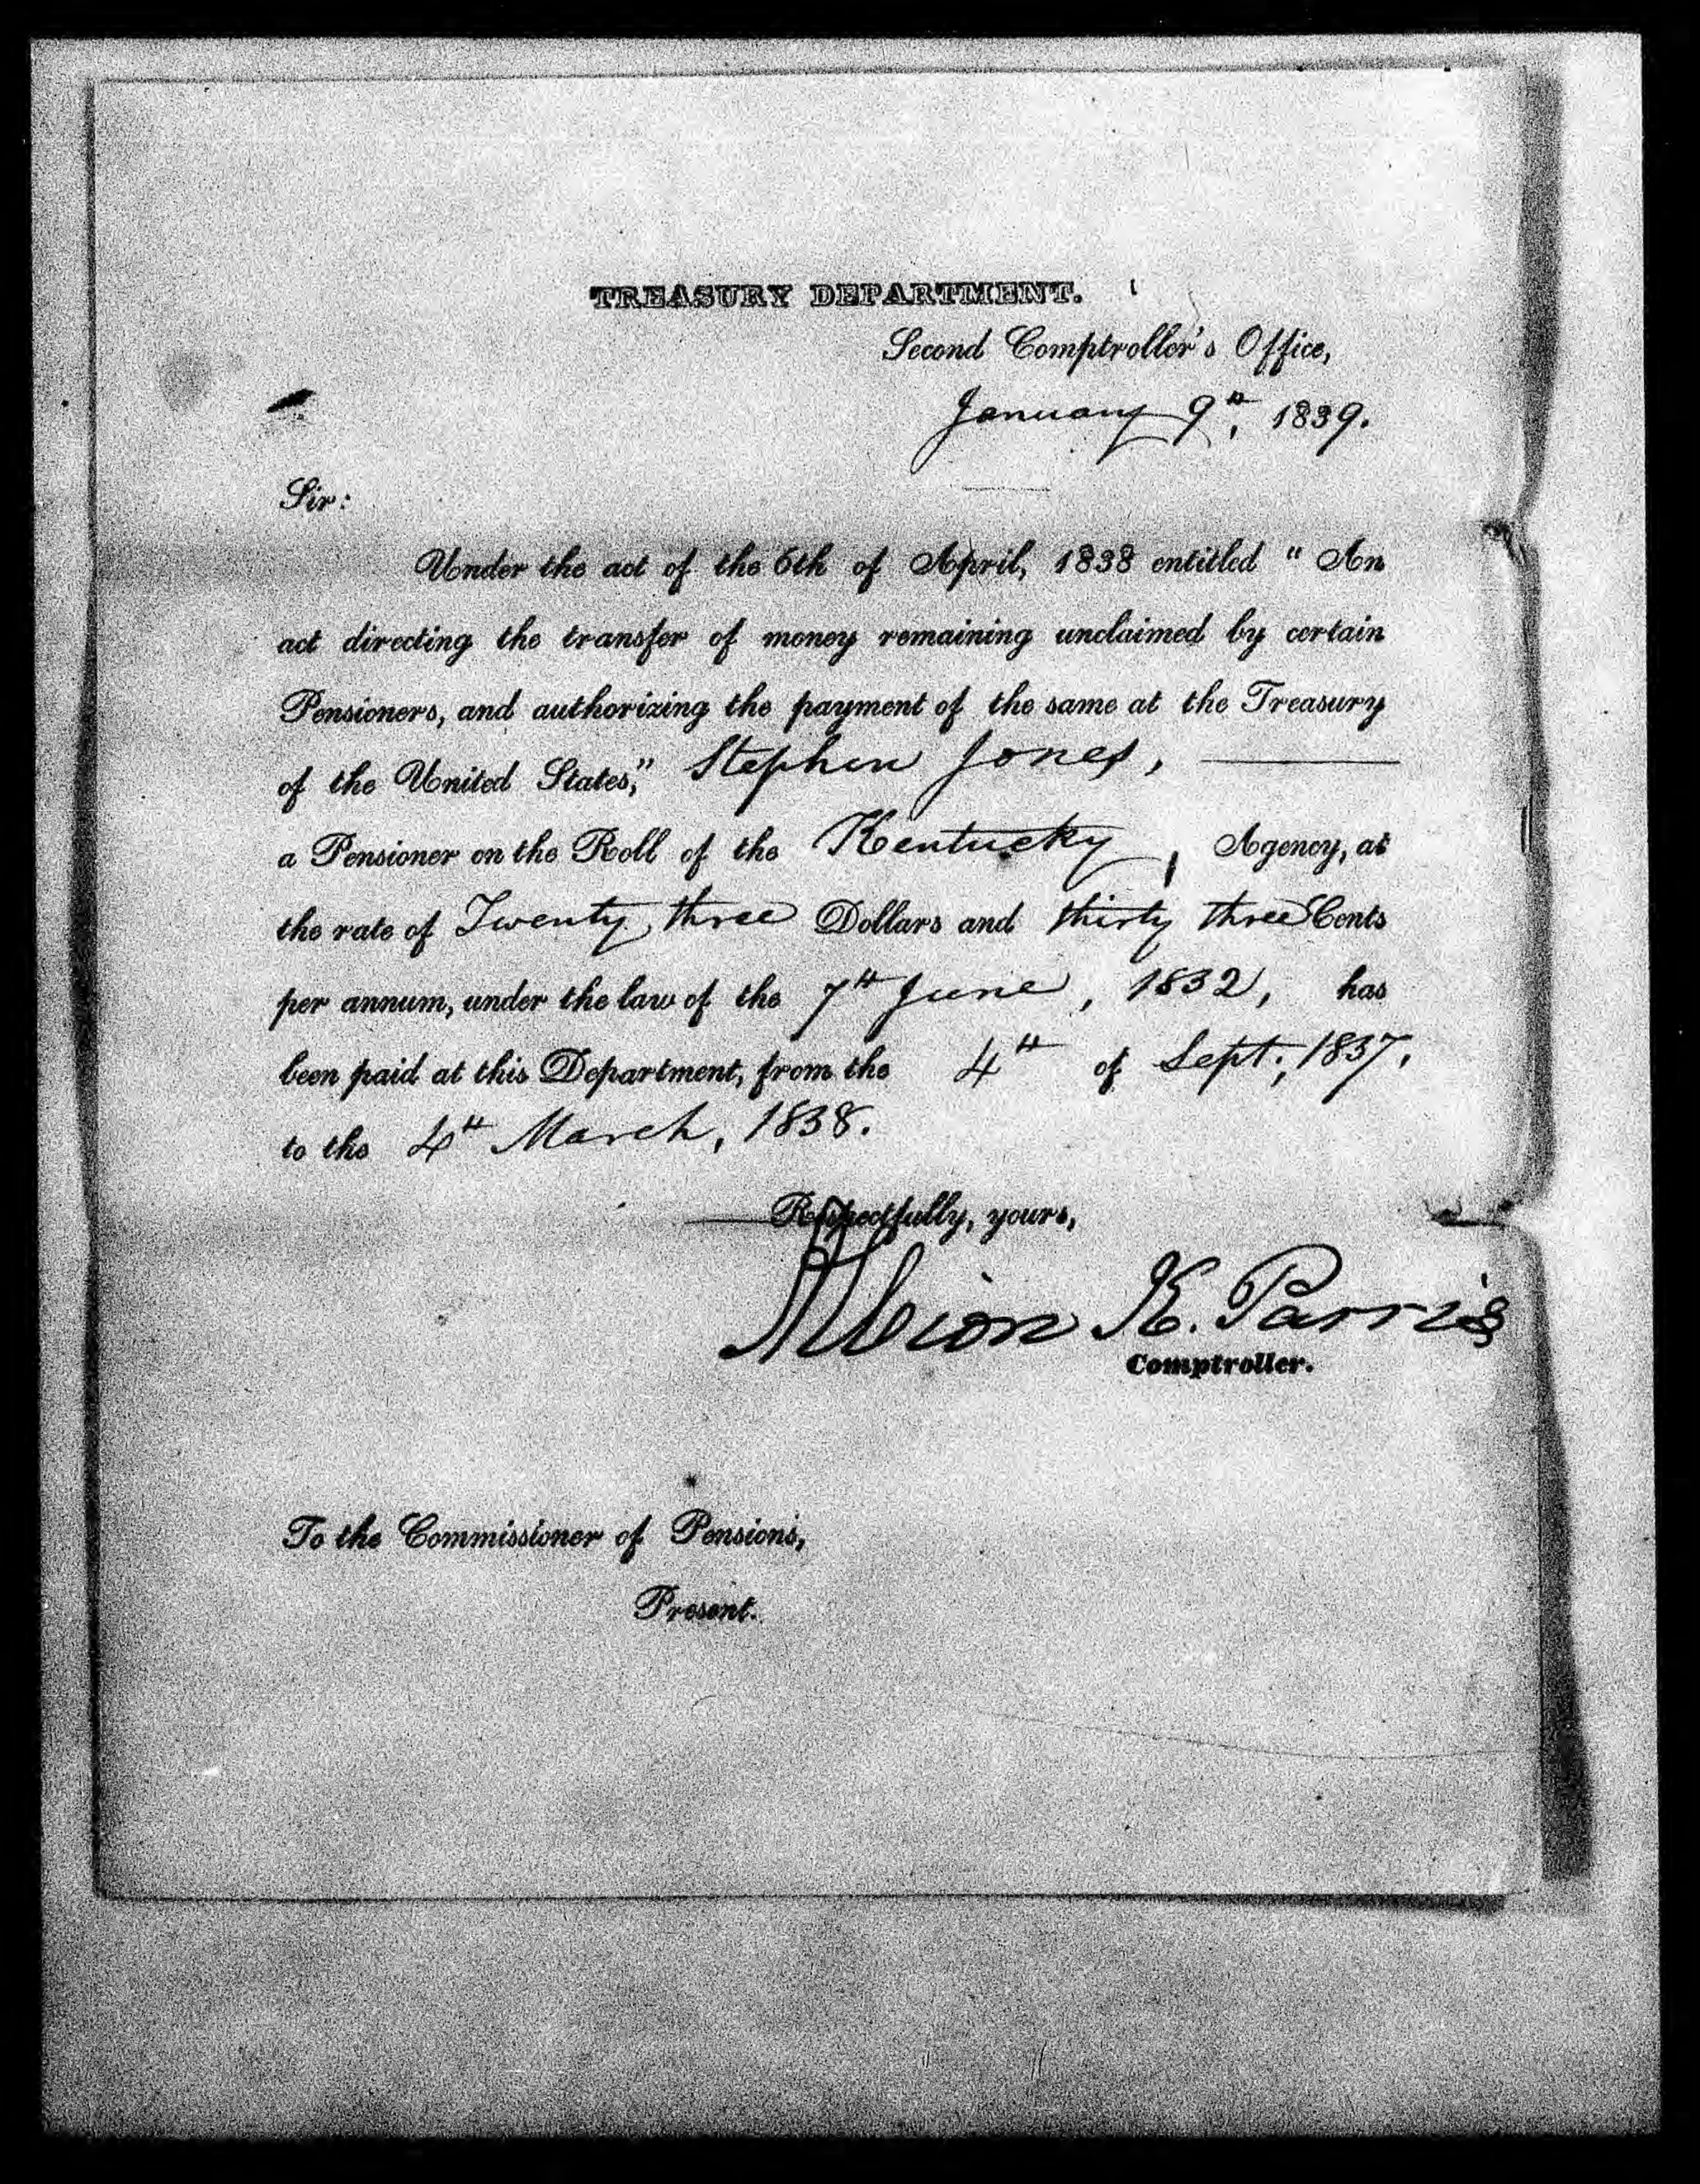TREASURY DEPARTMENT.
Second Comptroller's Office,
January 9th, 1839.

Sir:

Under the act of the 6th of April, 1838 entitled "An
act directing the transfer of money remaining unclaimed by certain 
Pensioners, and authorizing the payment of the same at the Treasury 
of the United States", Stephen Jones
a Pensioner on the Roll of Kentucky Agency, at 
the rate of Twenty three Dollars and thirty three Cents
per annum, under the law of the 7th June, 1832, has 
been paid at this Department, from the 4th of Sept. 1837
to the 4th March, 1838.

Respectfully, yours,

Albion K. Parris
Comptroller.

To the Commissioner of Pensions, 
Present.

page: 11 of 17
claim: survivor's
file: S. 38092, for Stephen Jones, North Carolina